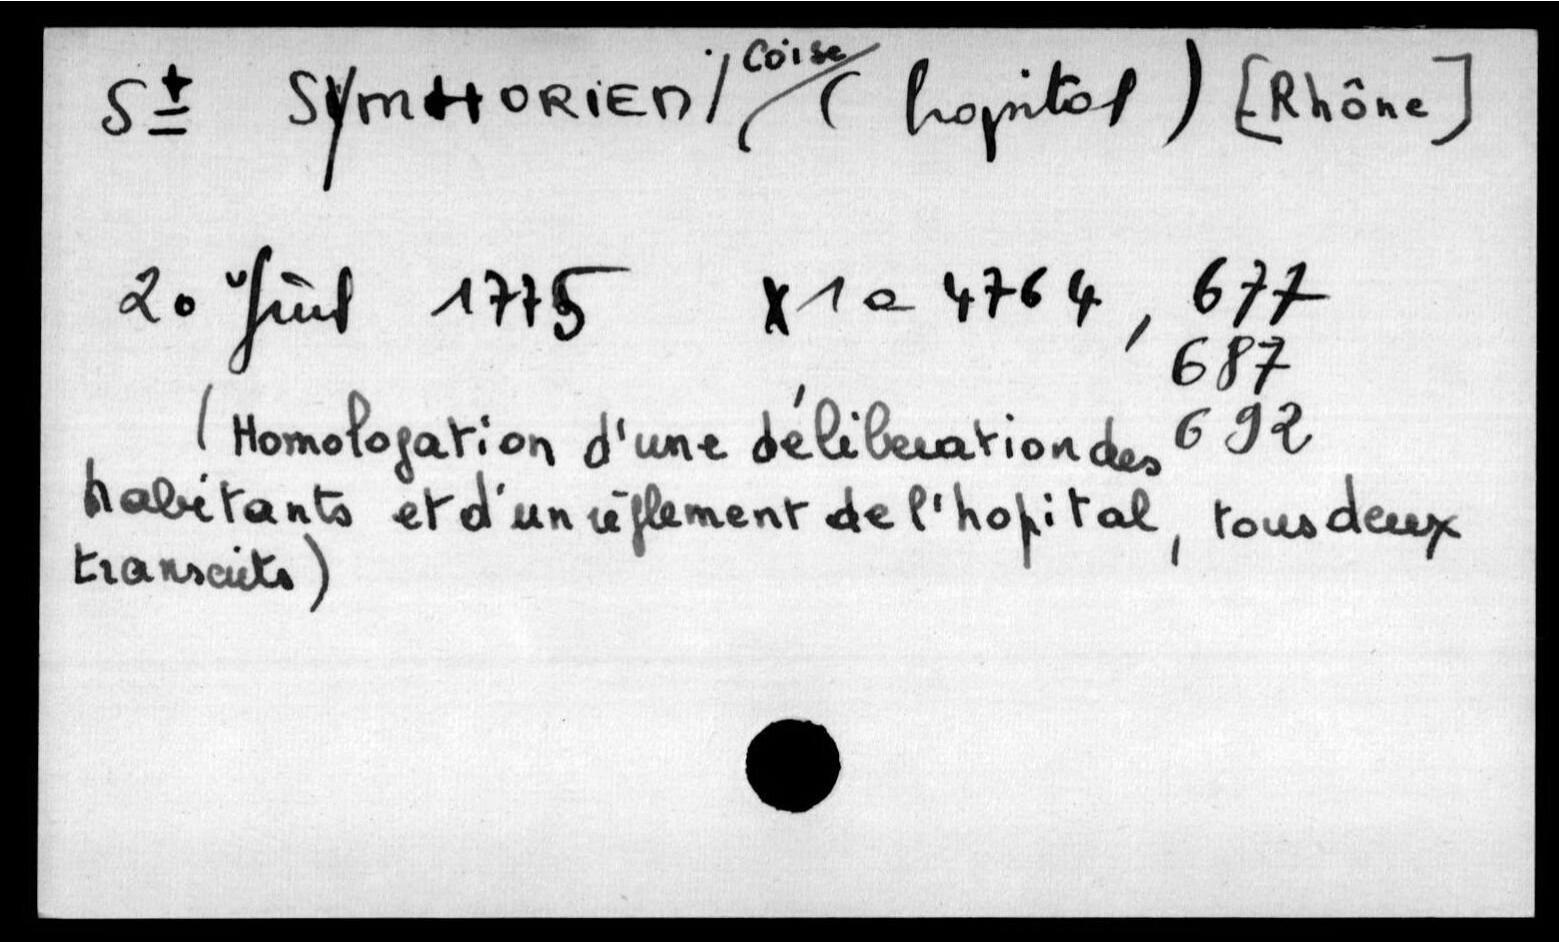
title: SAINT-SYMPHORIEN Coise (hôpitol) [Rhône]
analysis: (Homologation d'une délibération des habitants et d'un règlement de l'hôpital, tous deux transcrits)
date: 20 juillet 1775
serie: X1a
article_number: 4764
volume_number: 677, 687, 692
